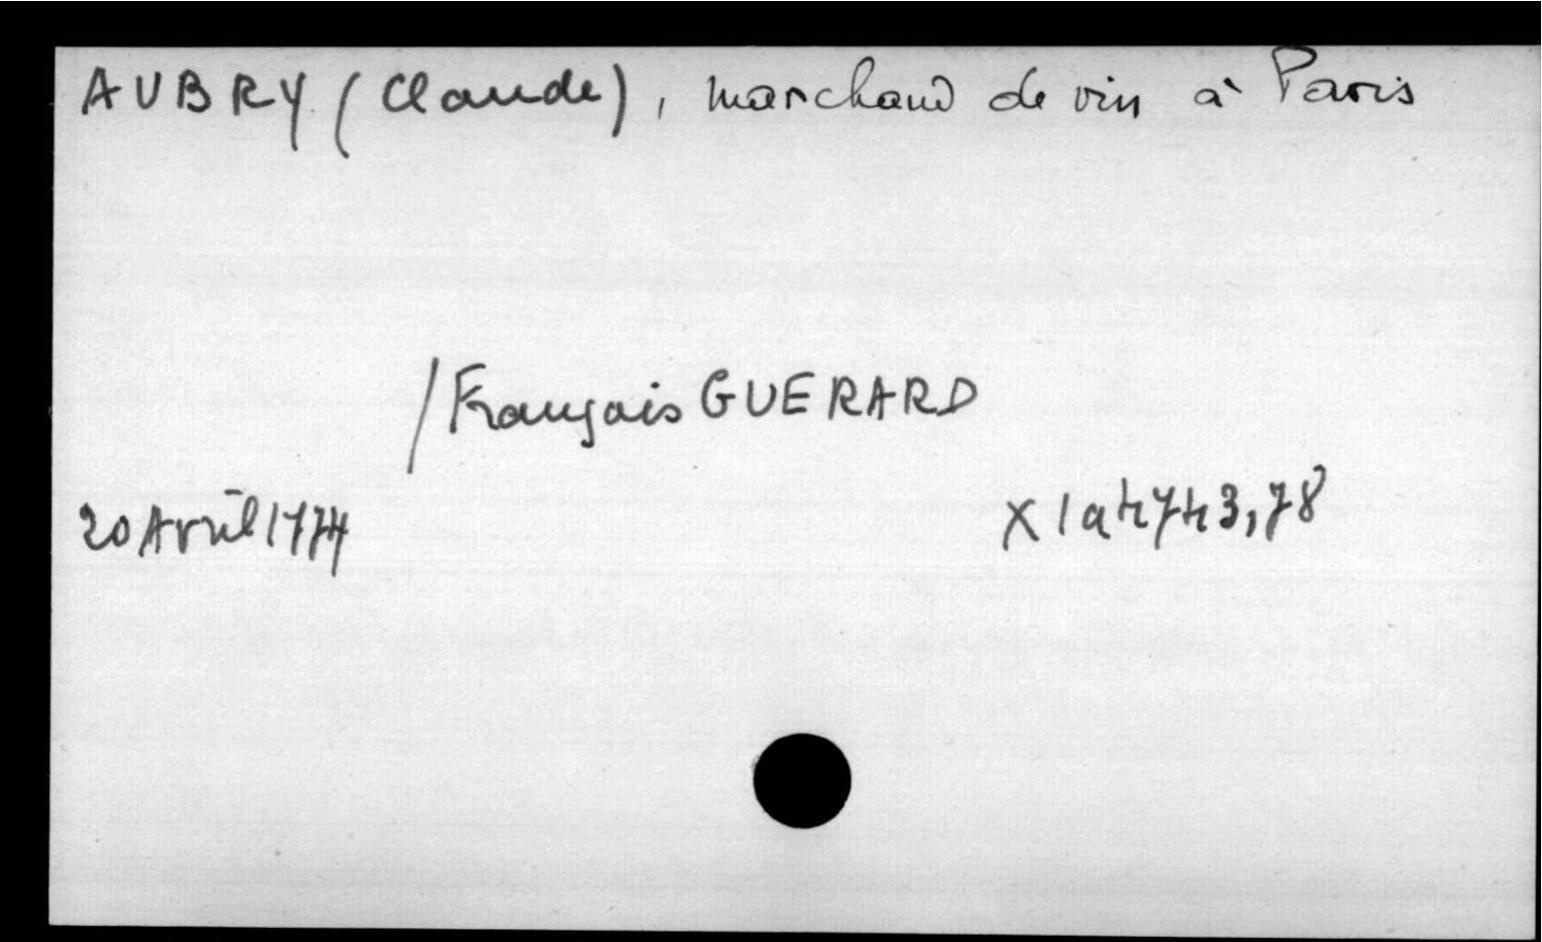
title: AUBRY (Claude), marchand de vin à Paris
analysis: Contre François GUERARD
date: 20 avril 1774
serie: X1a
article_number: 4743
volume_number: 78
